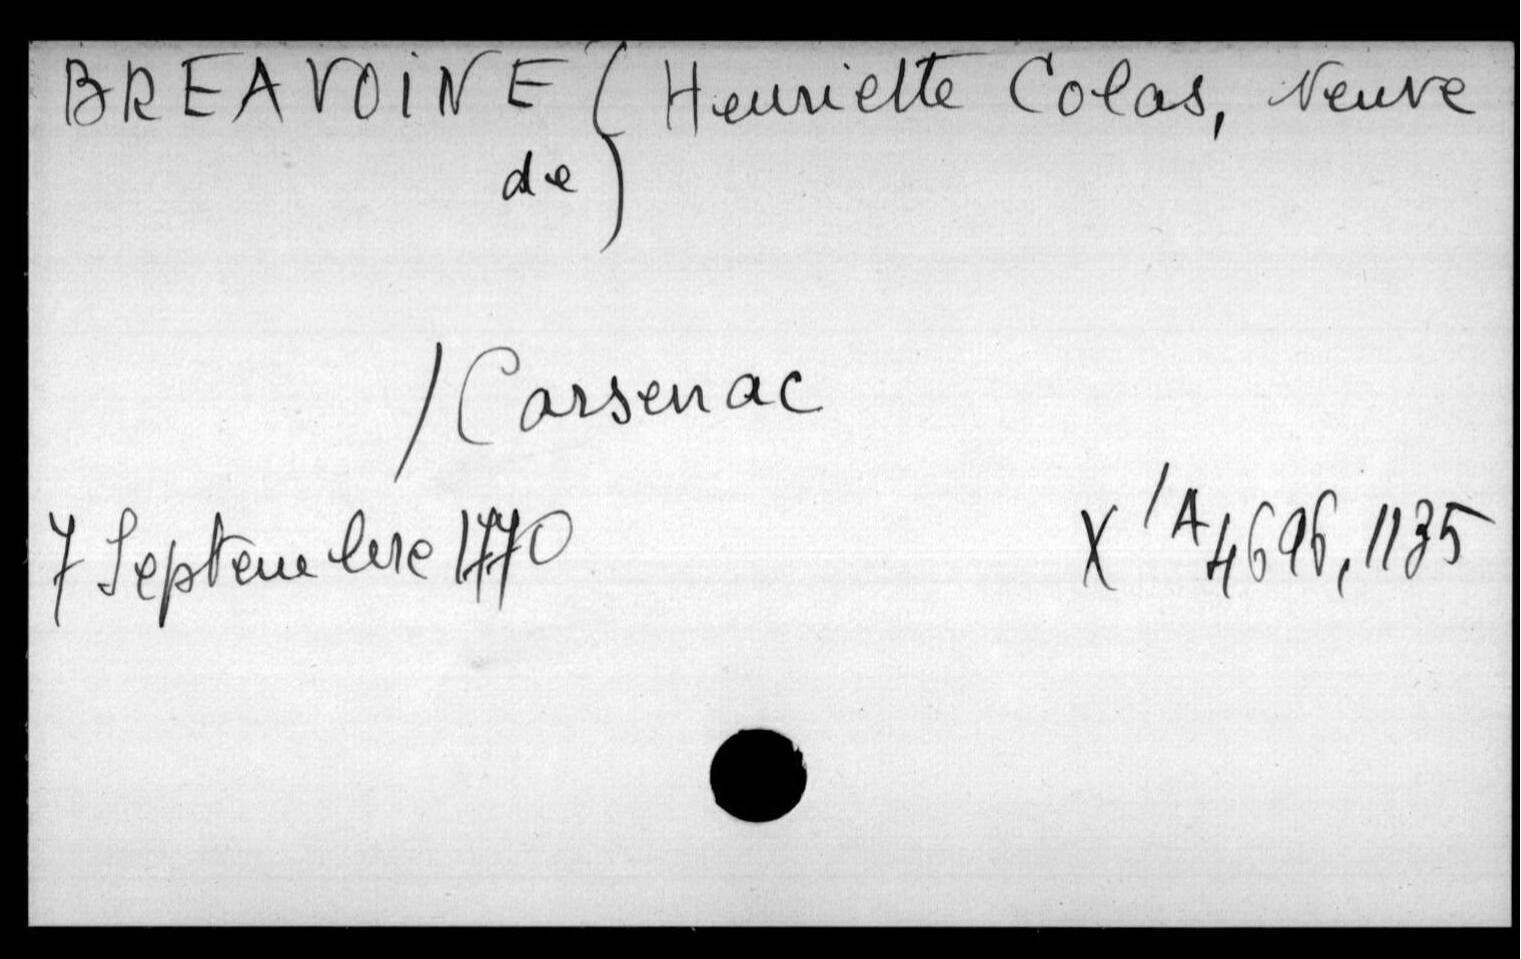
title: BREAVOINE (Henriette Colas, Veuve de)
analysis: Contre Carsenac
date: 7 septembre 1770
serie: X1A
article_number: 4696
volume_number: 1135
